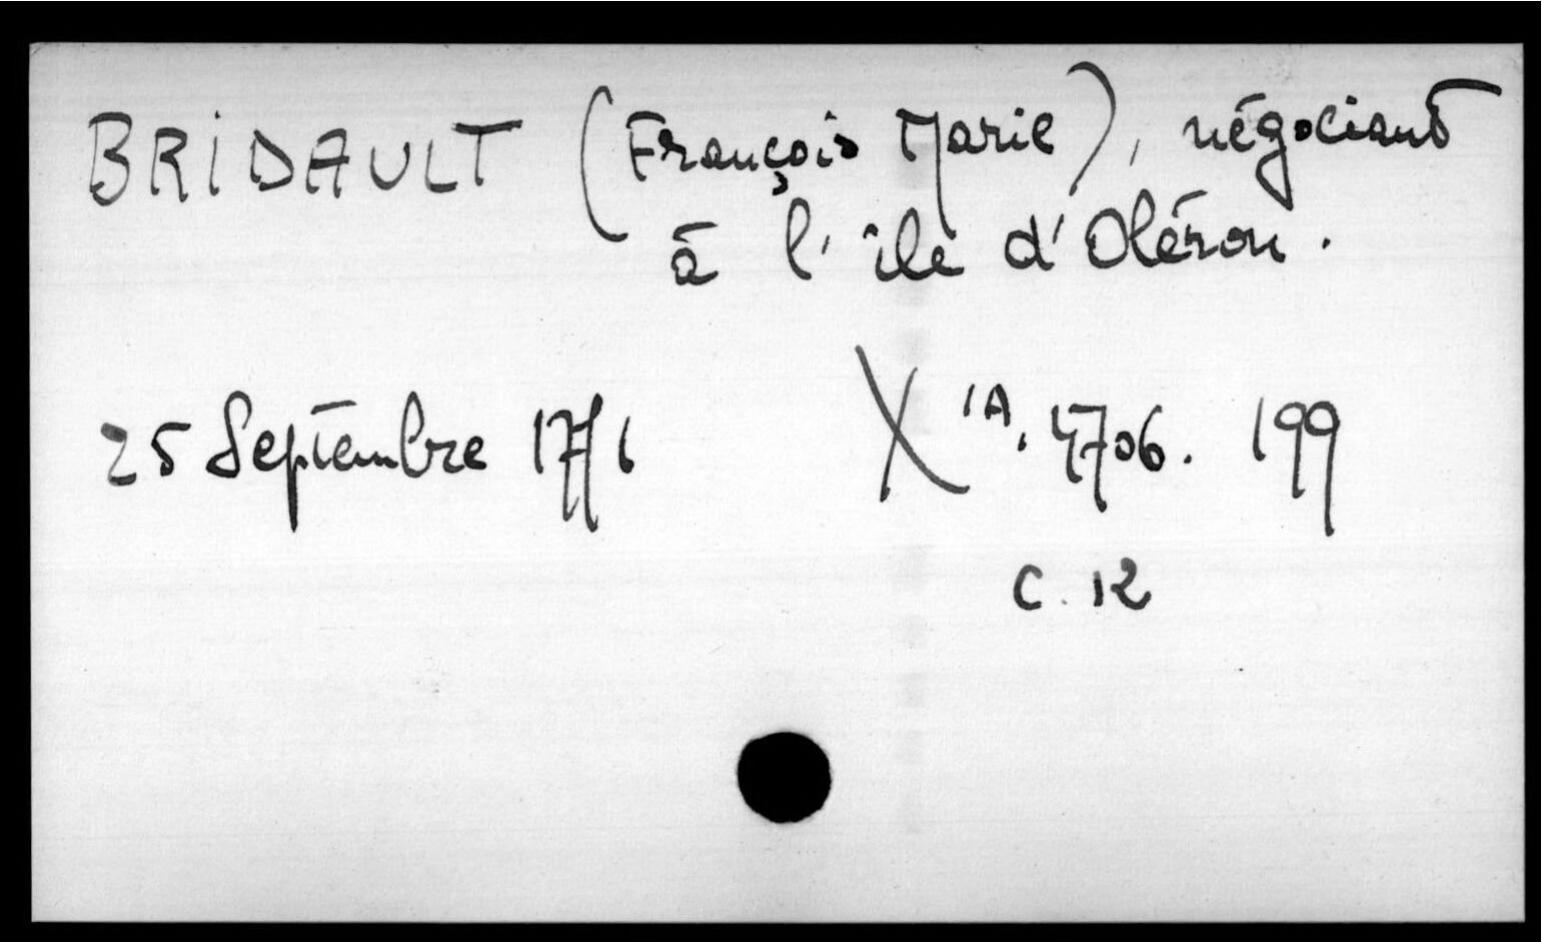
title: BRIDAULT (François Marie), négociant à l'ile d'Oléron
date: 25 septembre 1771
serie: X1A
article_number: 4706
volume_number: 199 Conseil 12
